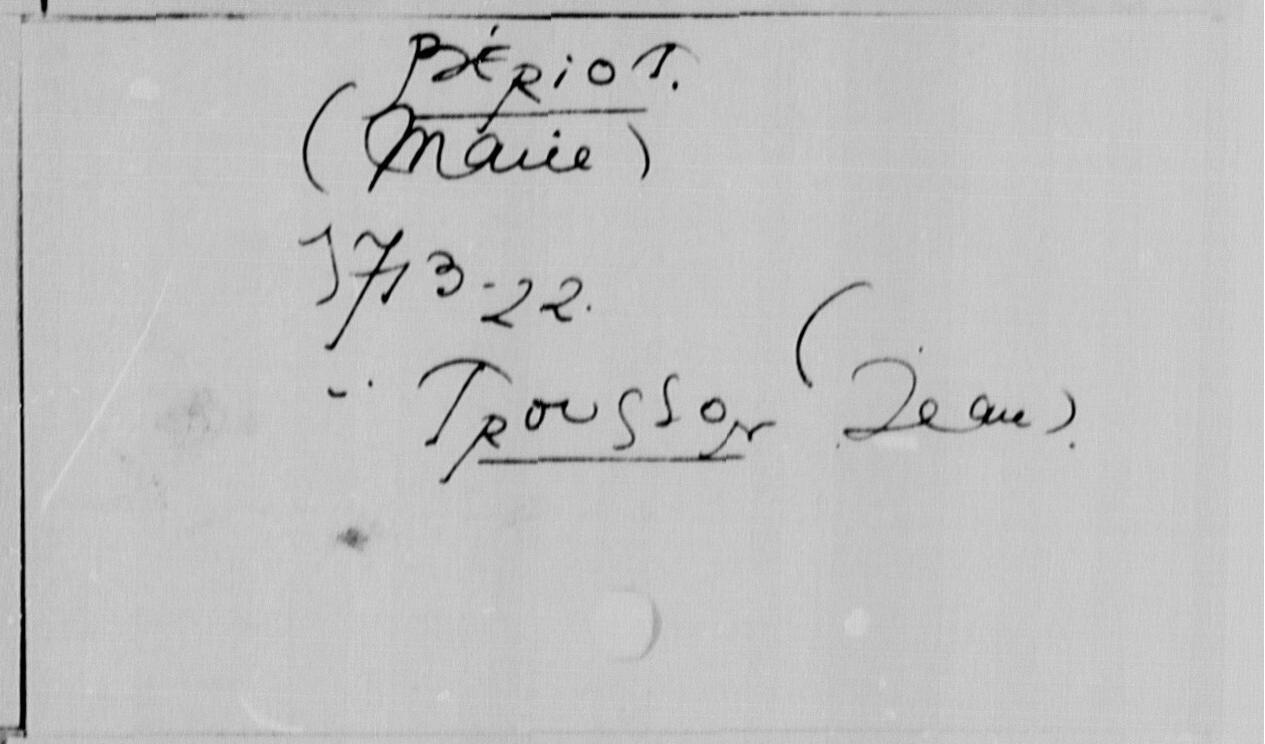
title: BÉRIOT (Marie)
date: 1713-1722
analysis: Voir : TROUSSON (Jean)
